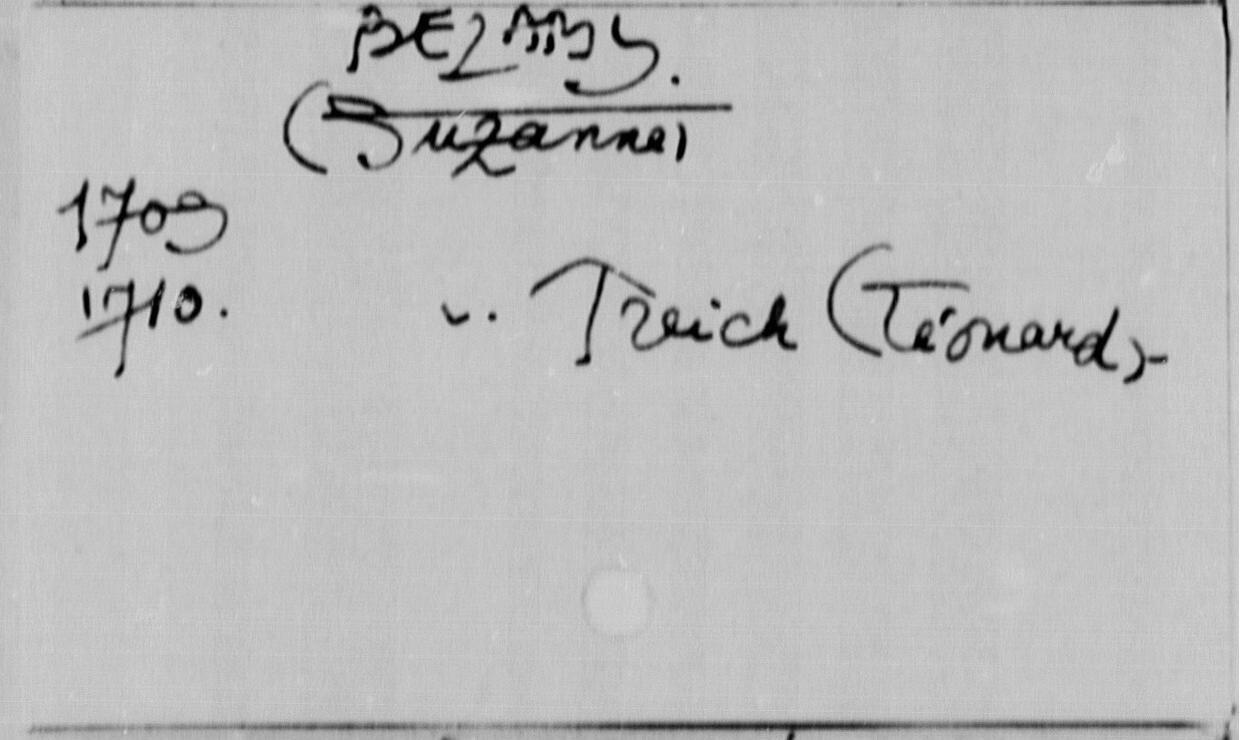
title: BELAMY (Suzanne)
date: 1709-1710
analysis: Voir TREICH (Léonard)
